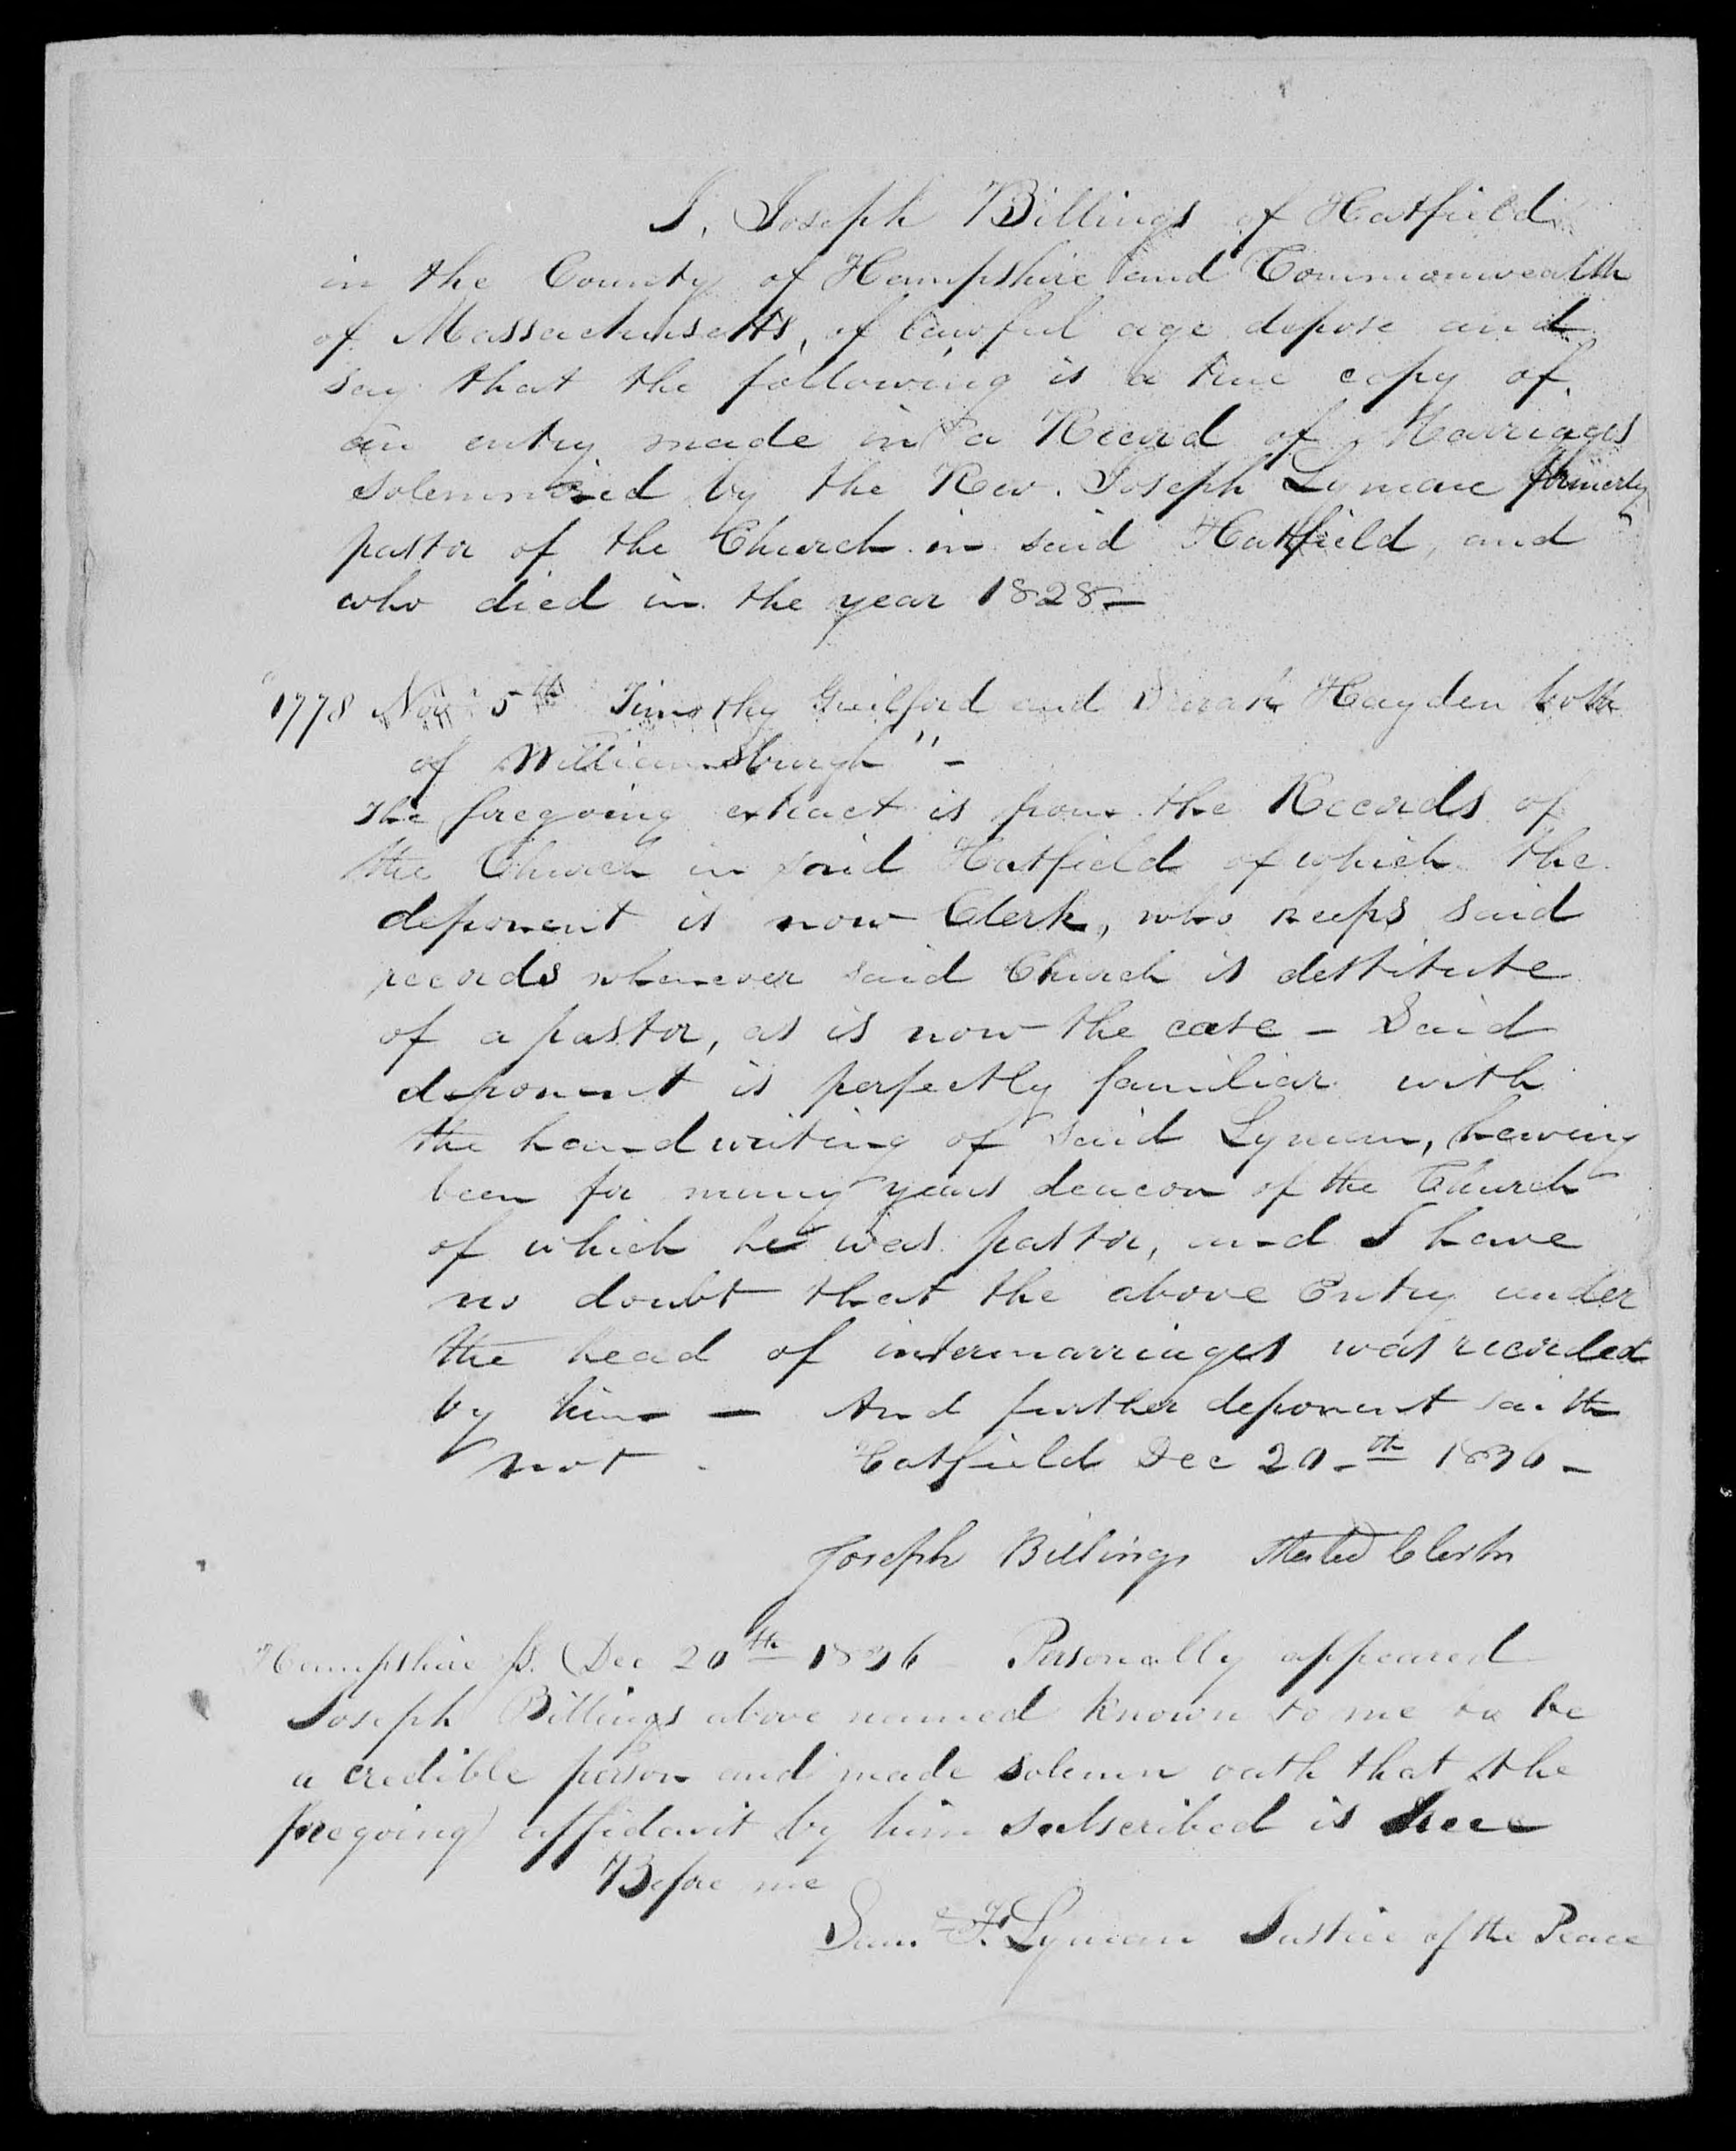I, Joseph Billings of Hatfield in the County of Hampshire and Commonwealth of Massachusetts, of lawful age depose and say that the following is a true copy of an entry made in a Record of Marriages solemnized by the Rev. Joseph Lyman formerly pastor of the Church in said Hatfield, and who died in the year 1828.

1778 Nov 5th Timothy Guildford and Sarah Hayden both of Williamsburgh -

The foregoing extract is from the Records of the Church in said Hatfield of which the deponent is now Clerk, who keeps said records whenever said Church is destitute of a pastor, as is now the case.  Said deponent is perfectly familiar with the handwriting of said Lyman, having been for many years deacon of the Church of which he was pastor, and I have no doubt that the above entry under the head of intermarriages was recorded by him. And further deponent saith not. 

Hatfield Dec 20th 1830

Joseph Billings Stated Clerk

Hampshire Ss.  Dec 20th 1836 Personally appeared Joseph Billings above names known to me to be a credible person and made solemn oath that the foregoing affidavit by his subscribed is here

Before me
Sam F. Lyman Justice of the Peace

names: Timothy Guilford, Joseph Billings, Saml F Lyman, Joseph Billings, Joseph Lyman, Lyman, Joseph Billings, Sarah Hayden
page: 14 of 26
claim: widow's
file: W. 21,238, Timothy Guilford, Mass.